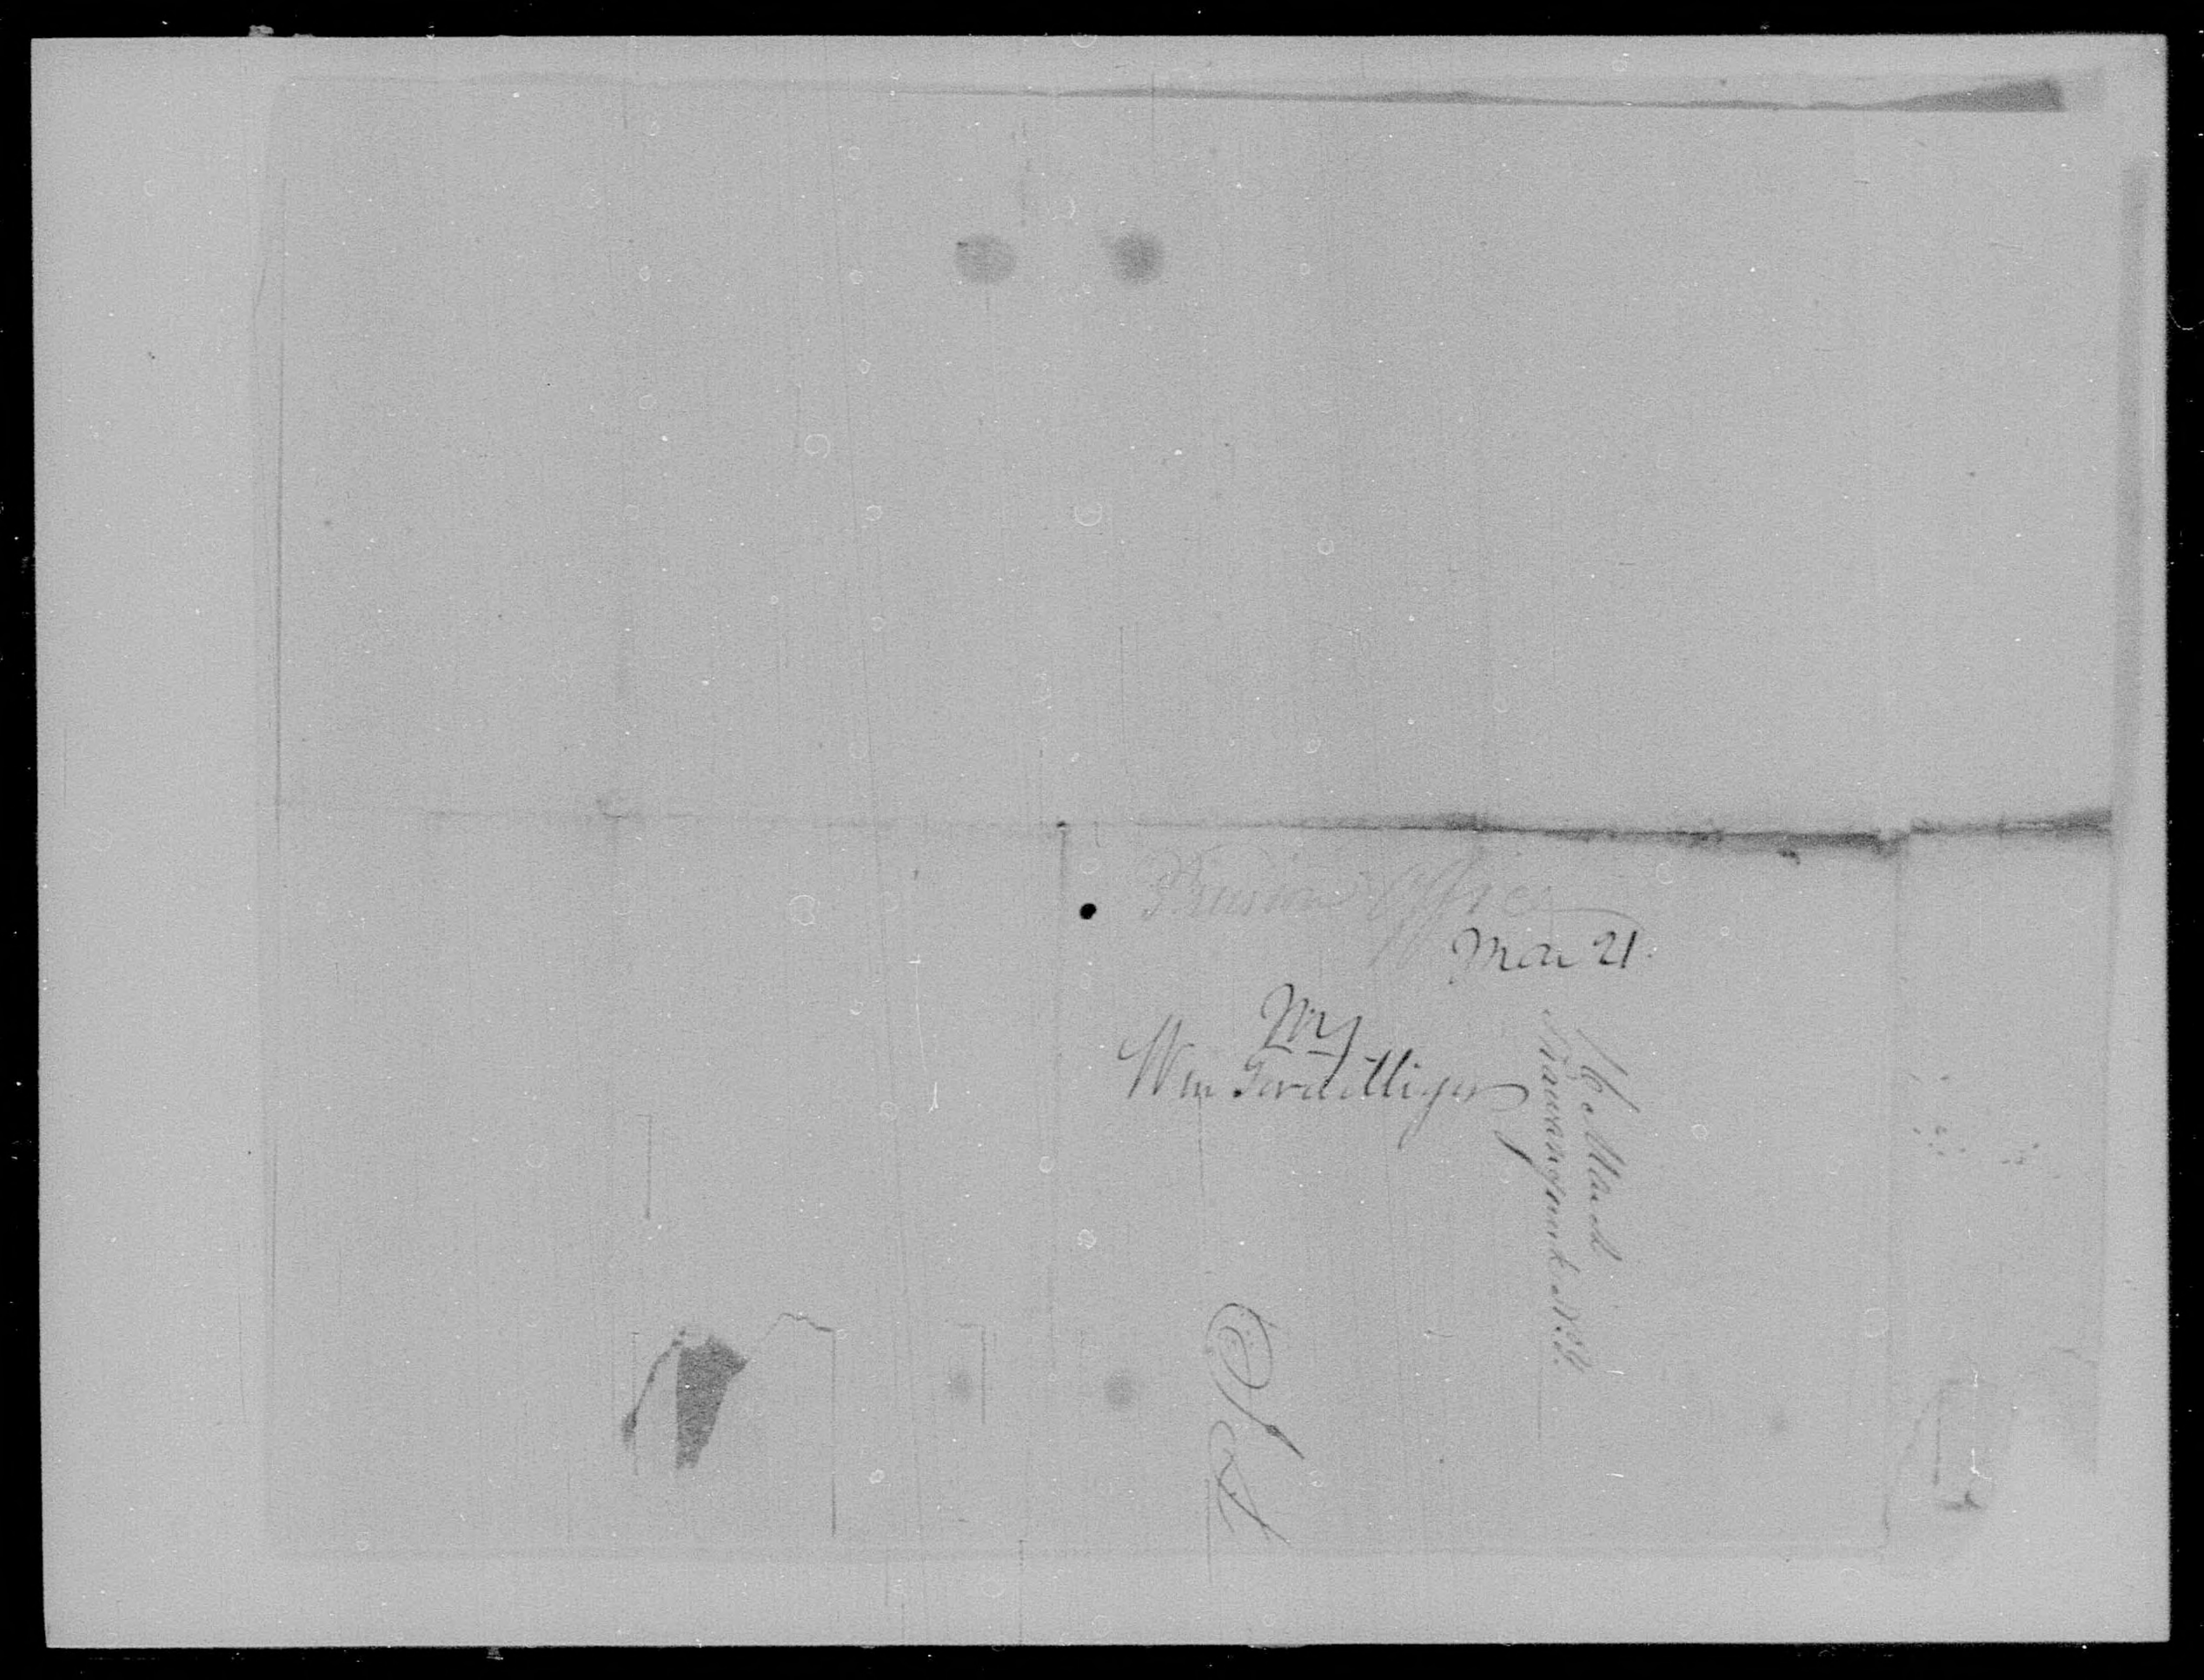Pension Office
Mar 21

Wm Terwilliger

16 March
Shawangunk N.Y.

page: 38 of 64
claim: survivor's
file: S. 42,464, for William Terwilliger, New York